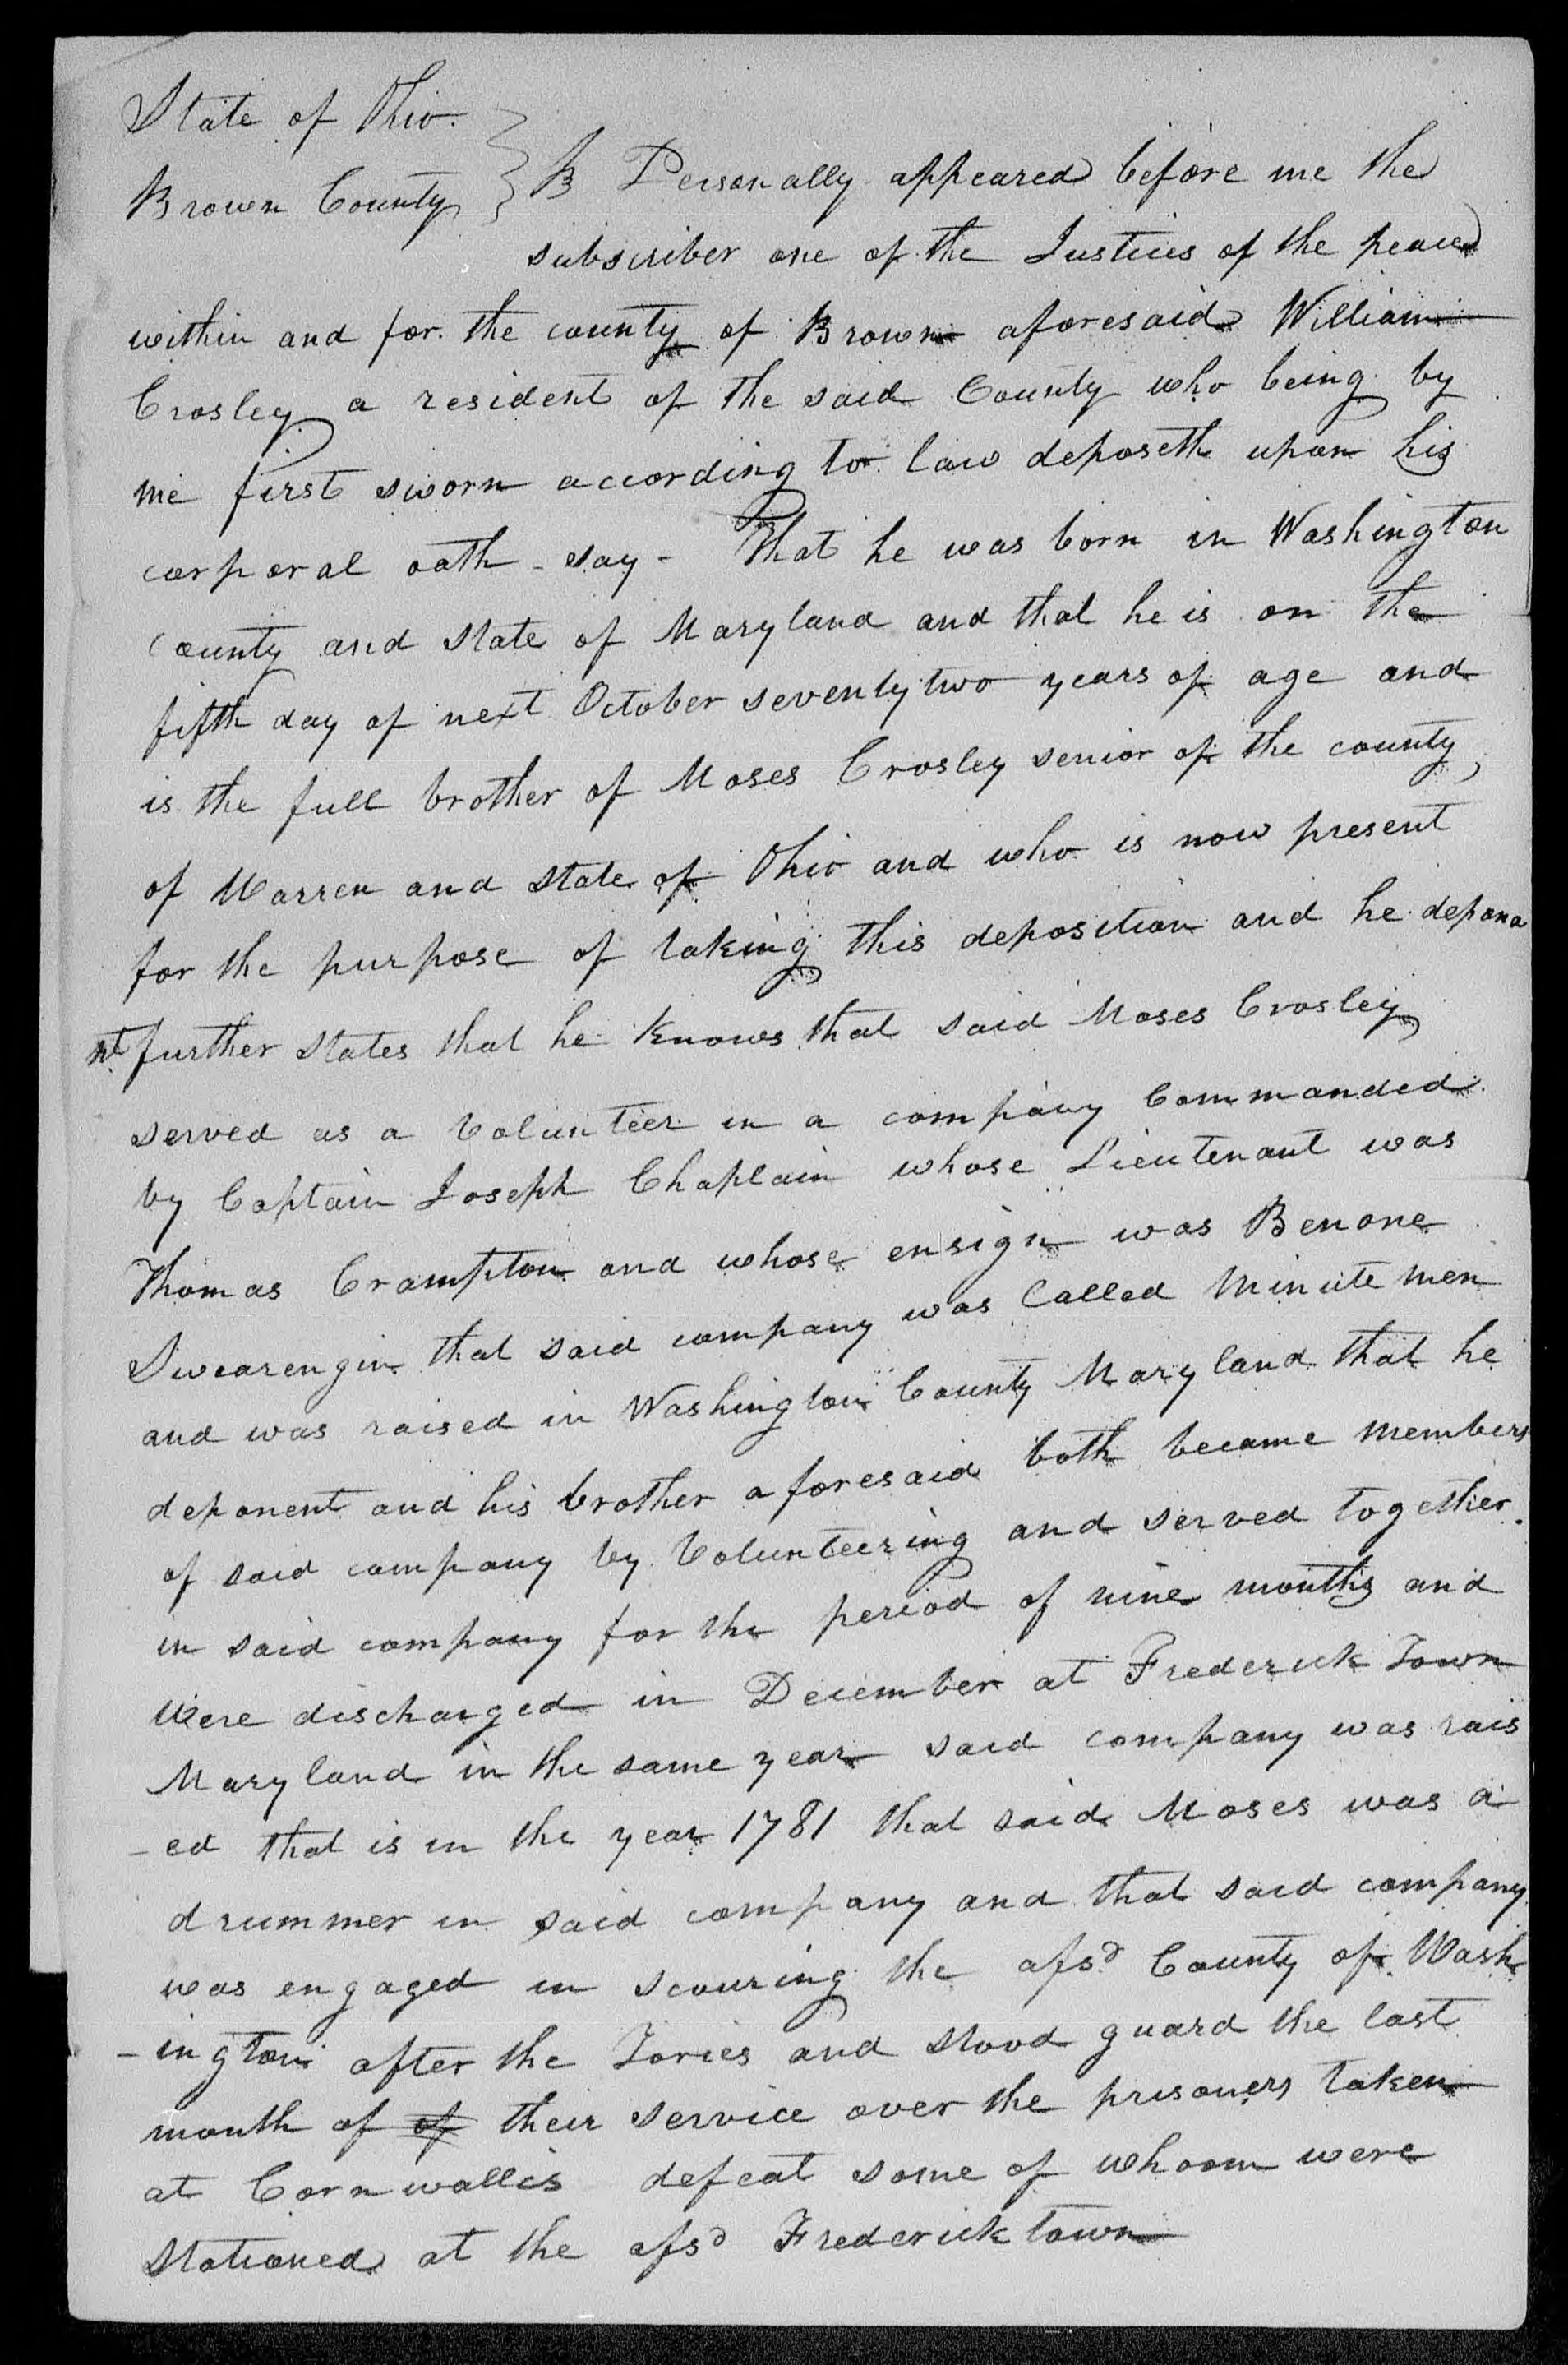State of Ohio
Brown County
Personally appeared before me the subscribed one of the justices of the peace within and for the cunty of Brown aforesaid William Crosley a resident of the said County who being by me first sworn according to law deposeth upon his corporal oath- say- That he was born in Washington county and State of Maryland and that his is on the fifth day of next October seventy two years of age and is the full brother of Moses Crosley senior of the county of Warren and state of Ohio and who is now present for the purpose of taking this deposition and he deponent further states the he knows that said Moses Crosley served as a volunteer in a company commanded by Captain Joseph Charlain who Lieutenant was Thomas Crampton and whose ensign was Benone Swearengin that said company was called minute men and was raised in Washington County Maryland that he deponent and his brother aforesaid both became members of said company by volunteering and served together in said company for the period of nine months and was discharged in December in Fredericktown Maryland in the same year said company was raised that is in the year 1781 that said Moses was a drummer in said company and that said company was engaged in scouring the (illegible) County of Washington after the Torries and stood guard that last month of their service over the prisoners taken at Cornwsallis' defeat some of whom were station at the (illegible) Fredericktown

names: William Crosley, Joseph Chaplain, Moses Crosley, Moses Crosley, Benone Swearengin, Moses, Thomas Crampton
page: 16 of 37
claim: rejected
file: R. 2516, Moses Crosley, Md.